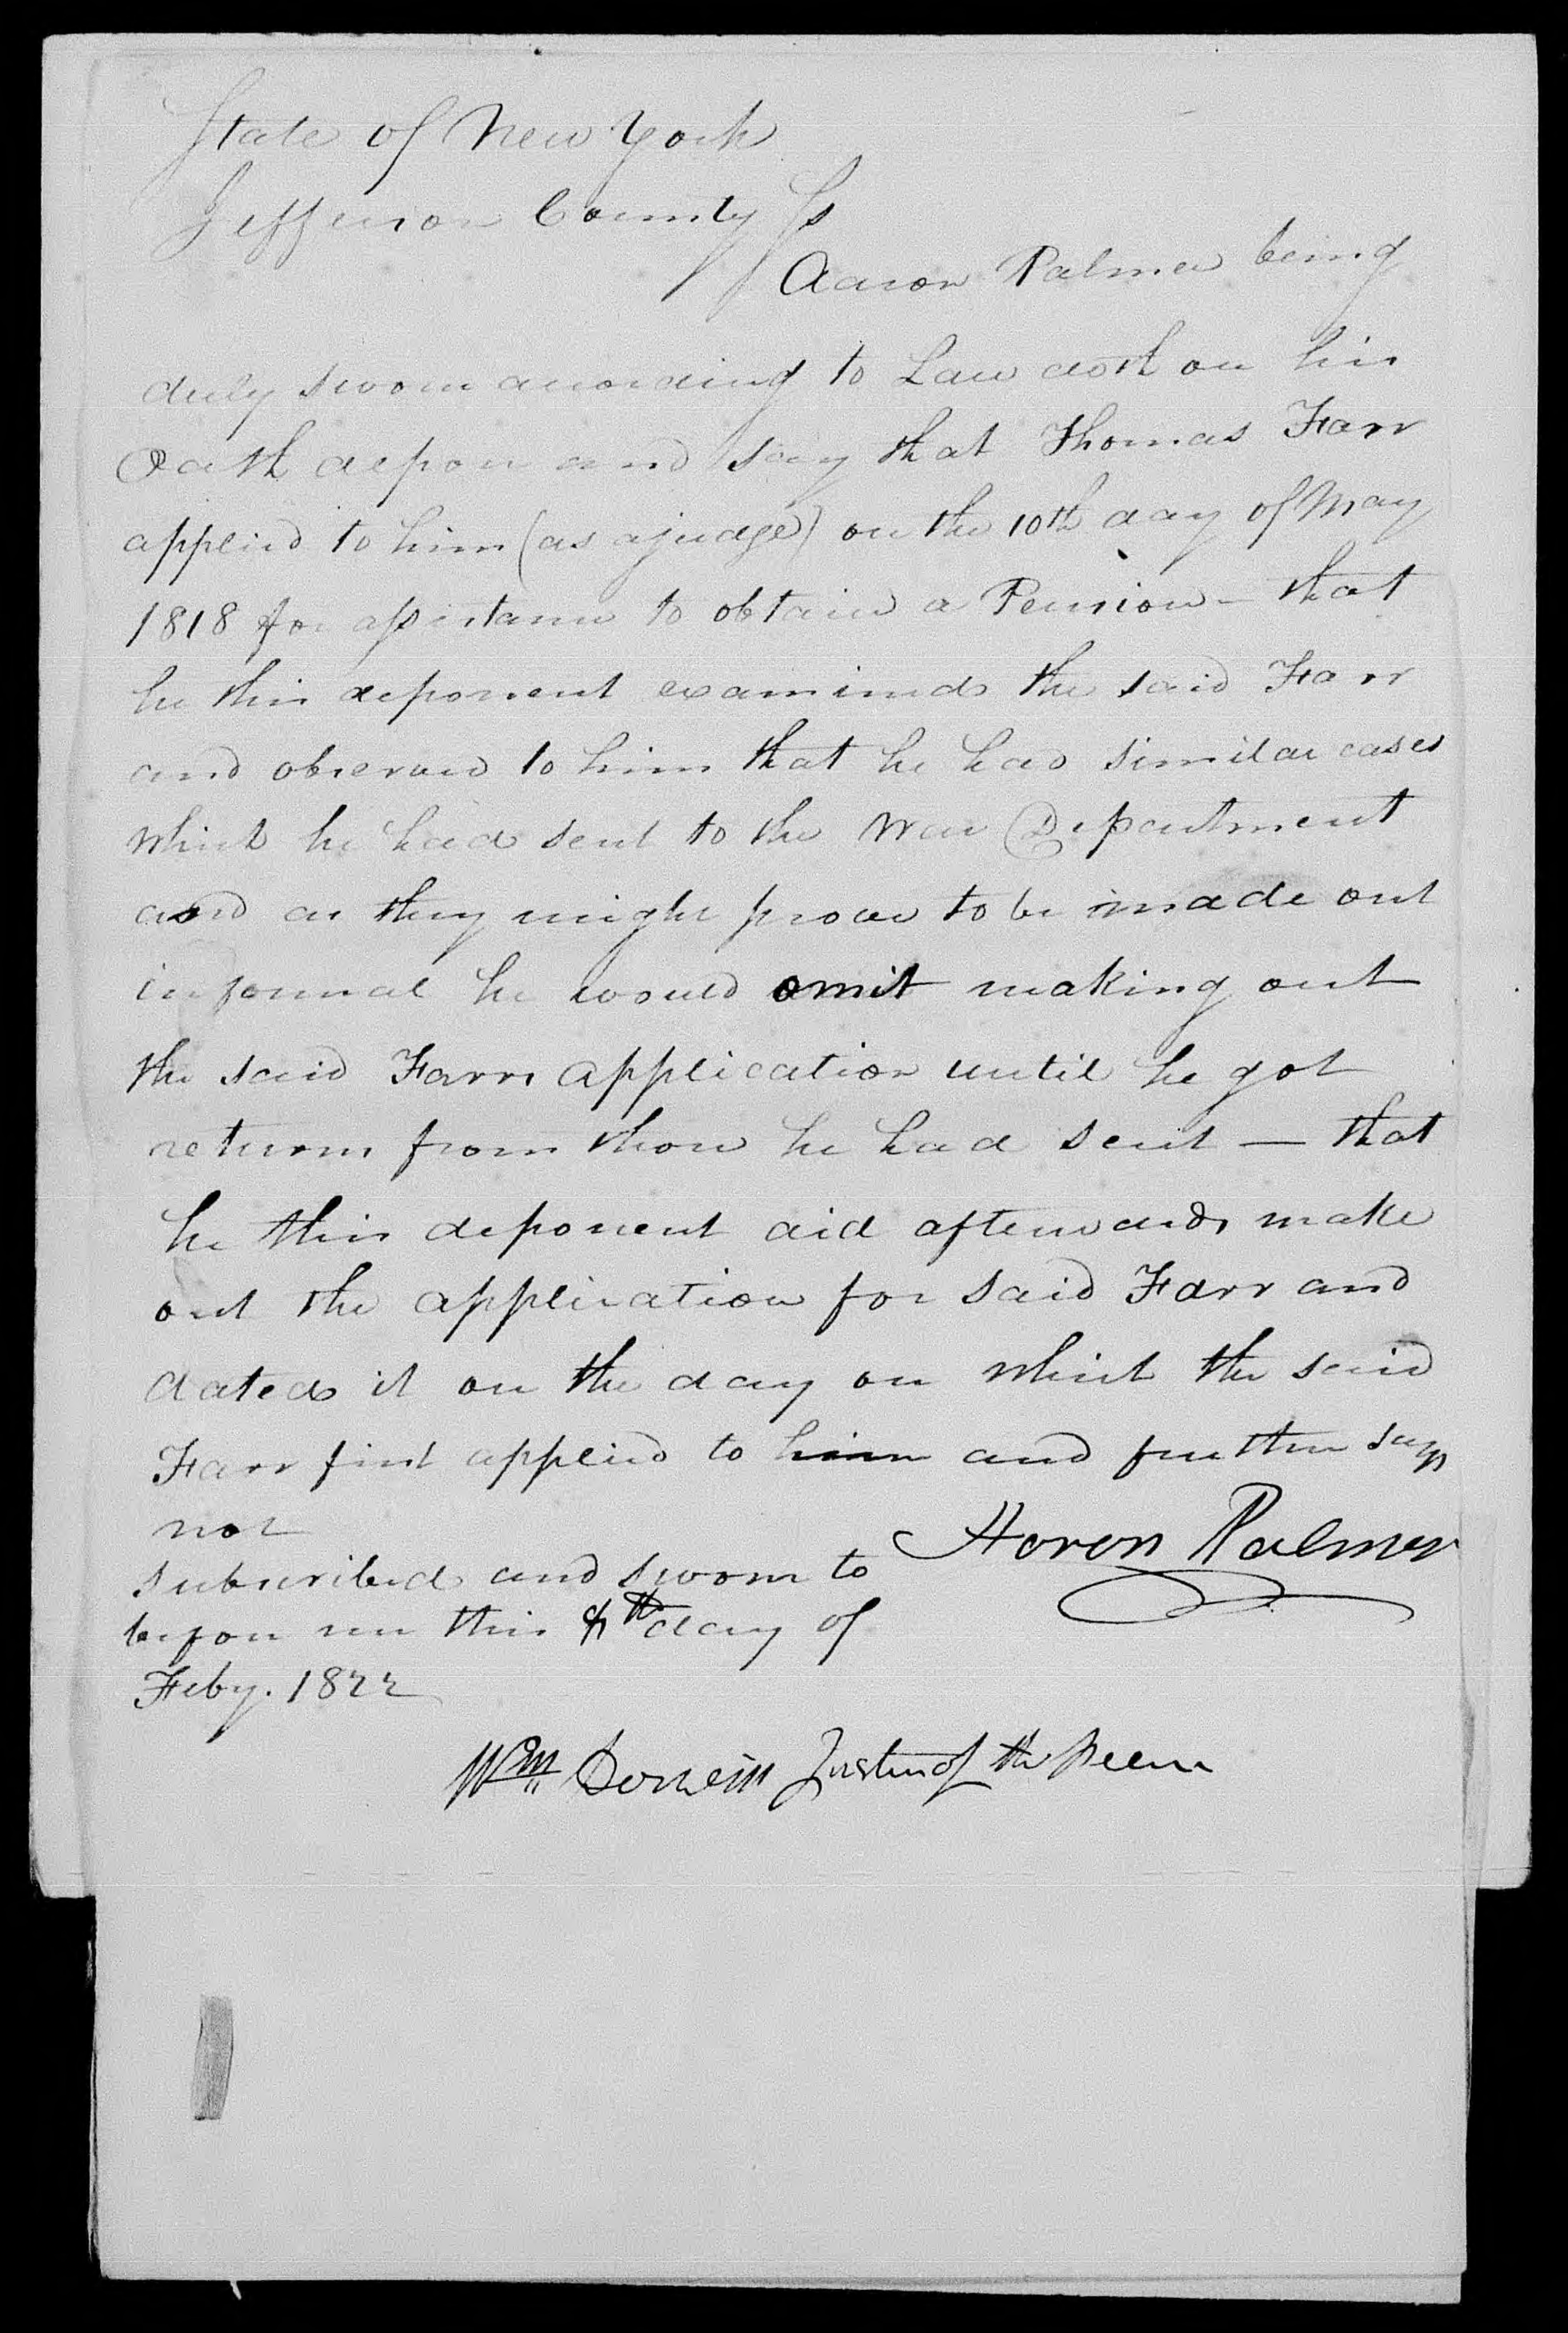State of New York
Jefferson County Ss
Aaron Palmer being
duly sworn according to Law doth on his
Oath depose and say that Thomas Farr
applied to him (as ajudge) on the 10th day of May
1818 for assistance to obtain a pension - that
he this deponent examined the said Farr
and observed to him that he has similar cases
which he had sent to the War Department
and as they might prove to be made out
informal he would it making out
the said Farr application until he got
returns from those he had sent -- that
he this deponent did afterwards make
out the application for said Farr and
dated it on the day on which the said
Farr first applied to him and further says
not                                 Aaron Palmer
Subscribed and sworn to
before  me this 8th day of
Feby. 1822

Wm Dorwin Justice of the Peace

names: Aaron Palmer, Thomas Farr, Aaron Palmer, Wm Dorwin, Farr, Farr, Farr, Farr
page: 31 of 46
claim: widow's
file: W. 23022, Thomas Farr, N.H.